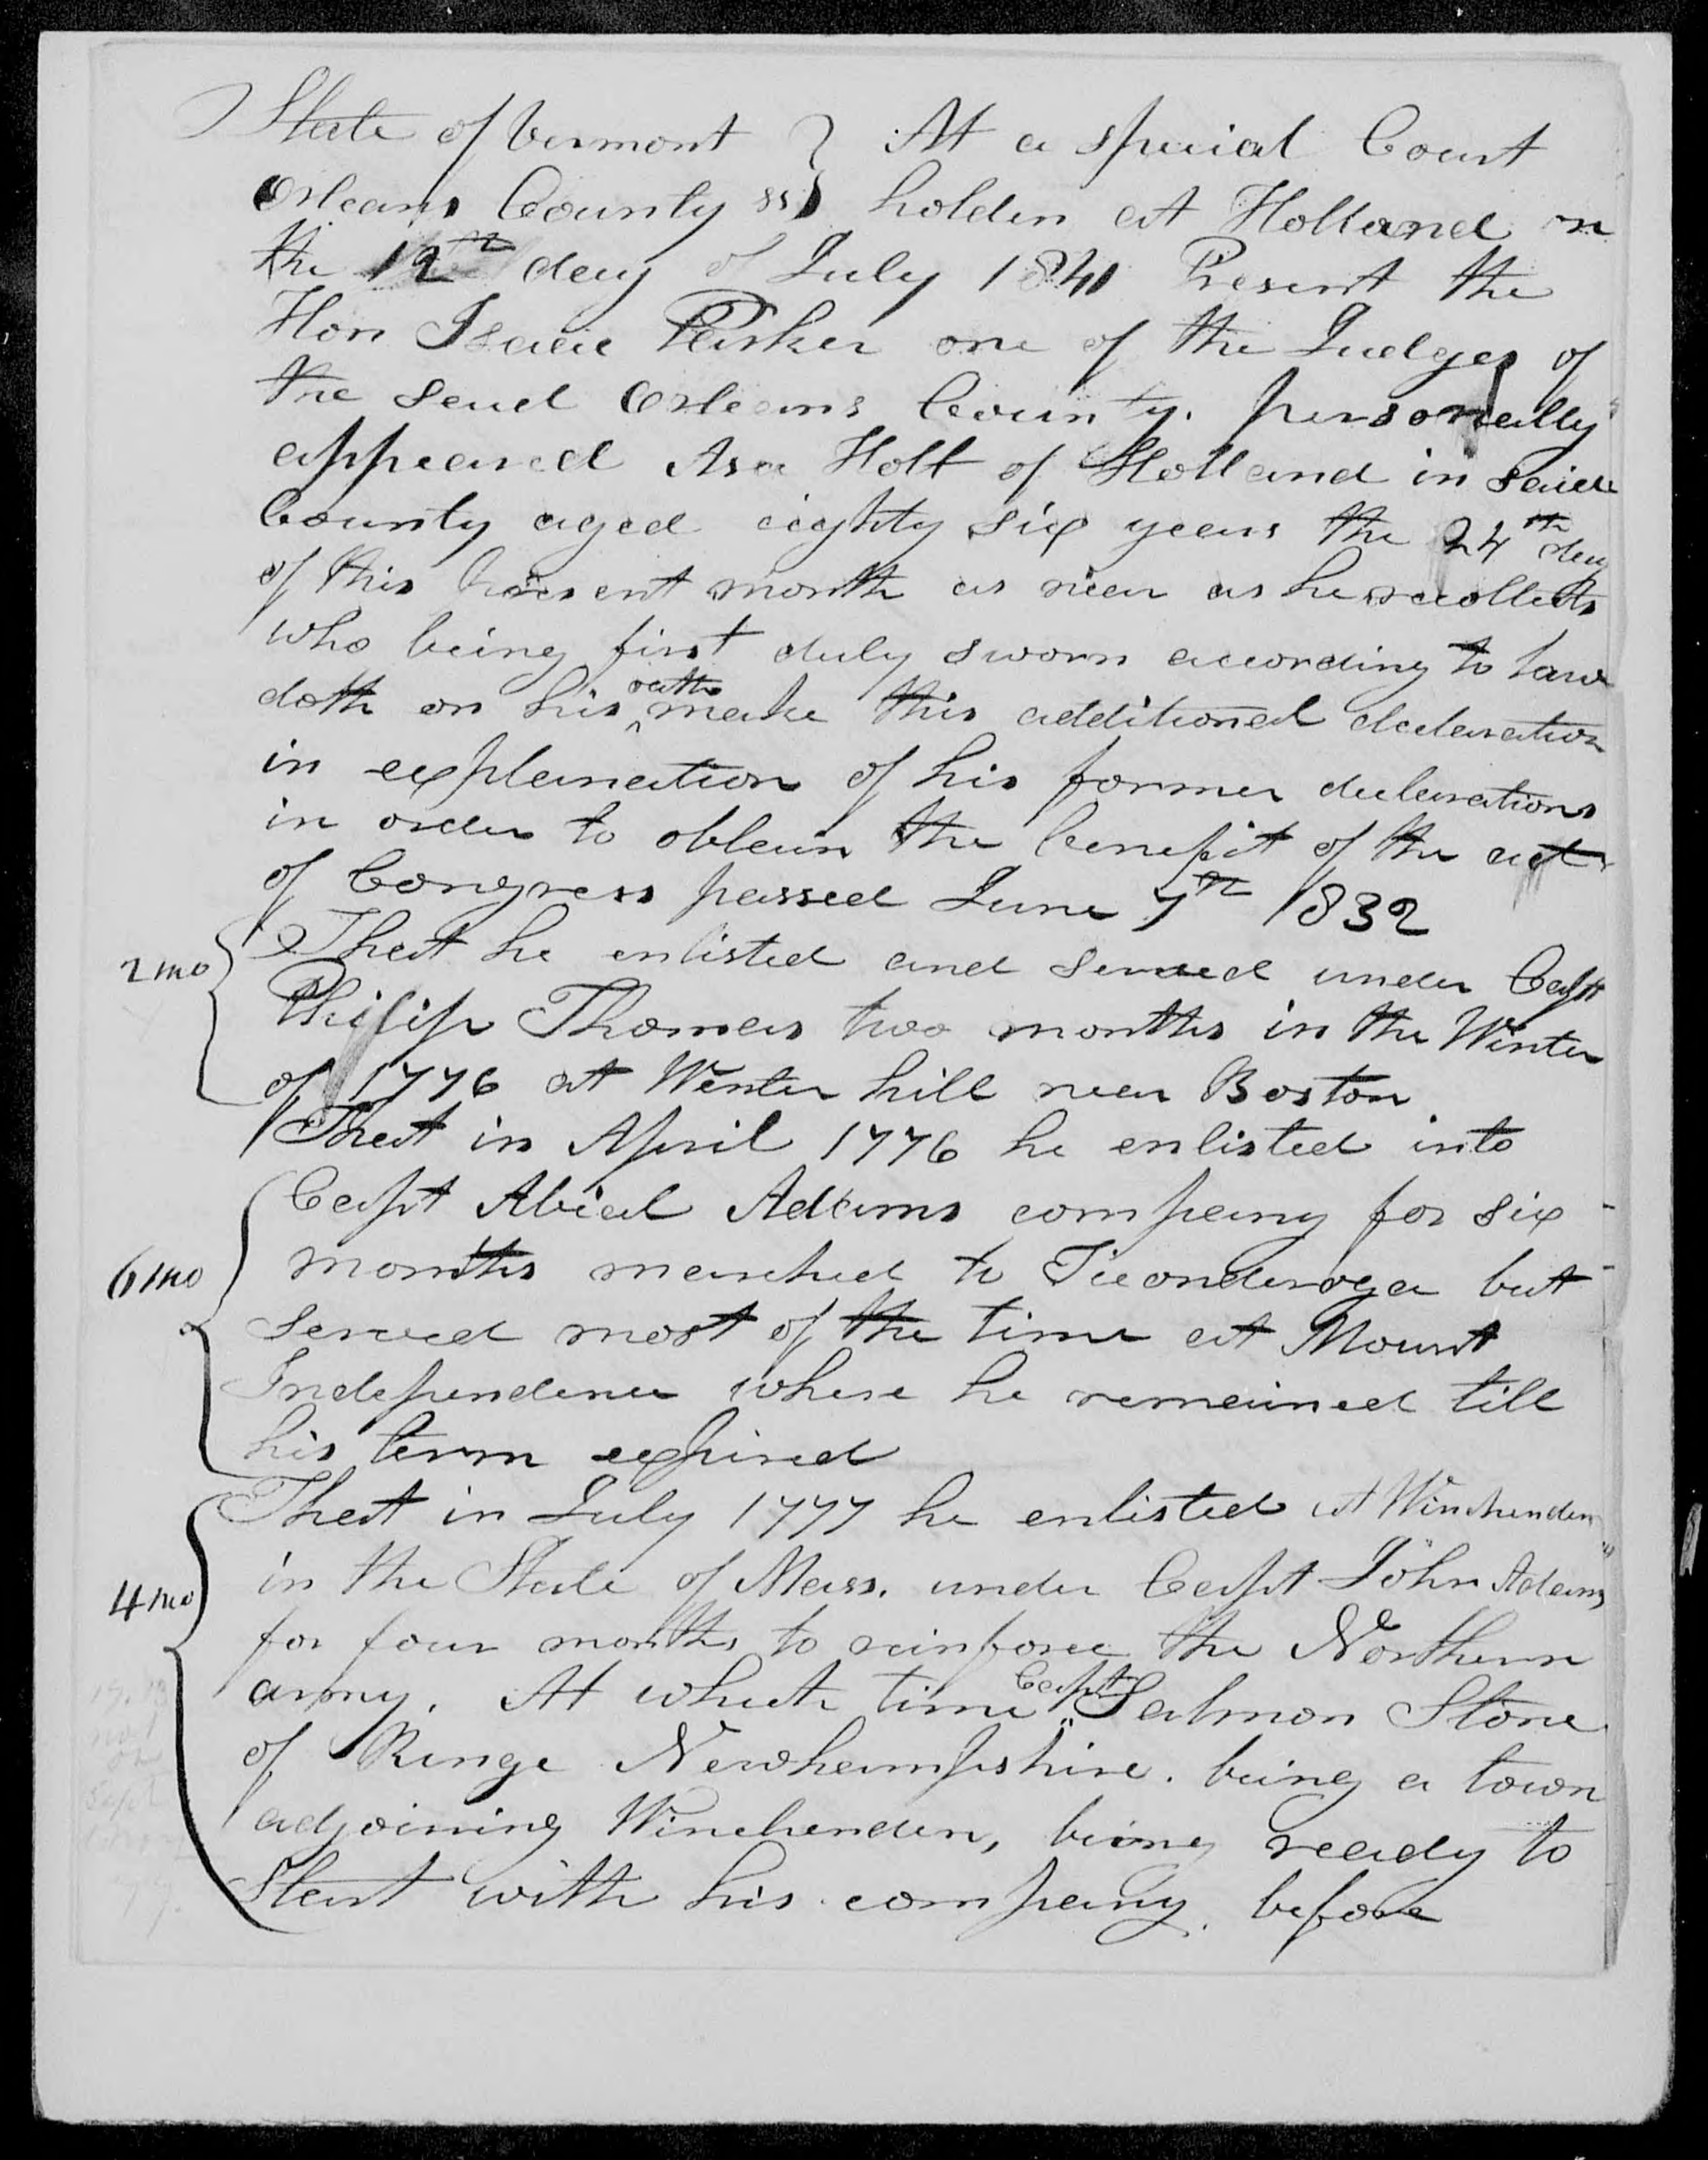State of Vermont At a special Court
Orleans County ss holden at Holland
the 12th day
of July 1840 present the
Hon Jane Parker one of the Judges of
the said Orleans County, personally
appeared Asa Holt of Holland in said
County aged eighty six years the 24th
of this present month as near as he recollects
who being first duly sworn according to law
doth on his take this additional declaration
in explanation of his former declarations
of the
in order to obtain the benefit of the act
of Congress passed June 7th 1832
That he enlisted and served under Capt
Philip Thomas two months in the Winter
of 1776 at Winter hill near Boston
That in April 1776 he enlisted into
Capt Abial Adams company for six
months marched to Ticonderoga but
served most of the time at Mount
Independence where he remained till
his term expired
That in July 1777 he enlisted at Winchenden
in the State of Mass. under Capt John Adams
for four months to enforce the Northern
any. At which time Salmon Stone
of Range Newhampshire, being a town
adjoining Winchenden, being ready to
Plant with his company
before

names: Isaac Parker, Asa Holt, Philip Thomas, Salmon Stone, John Adams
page: 13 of 24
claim: rejected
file: R. 5180, Asa Holt, Mass. Vt.